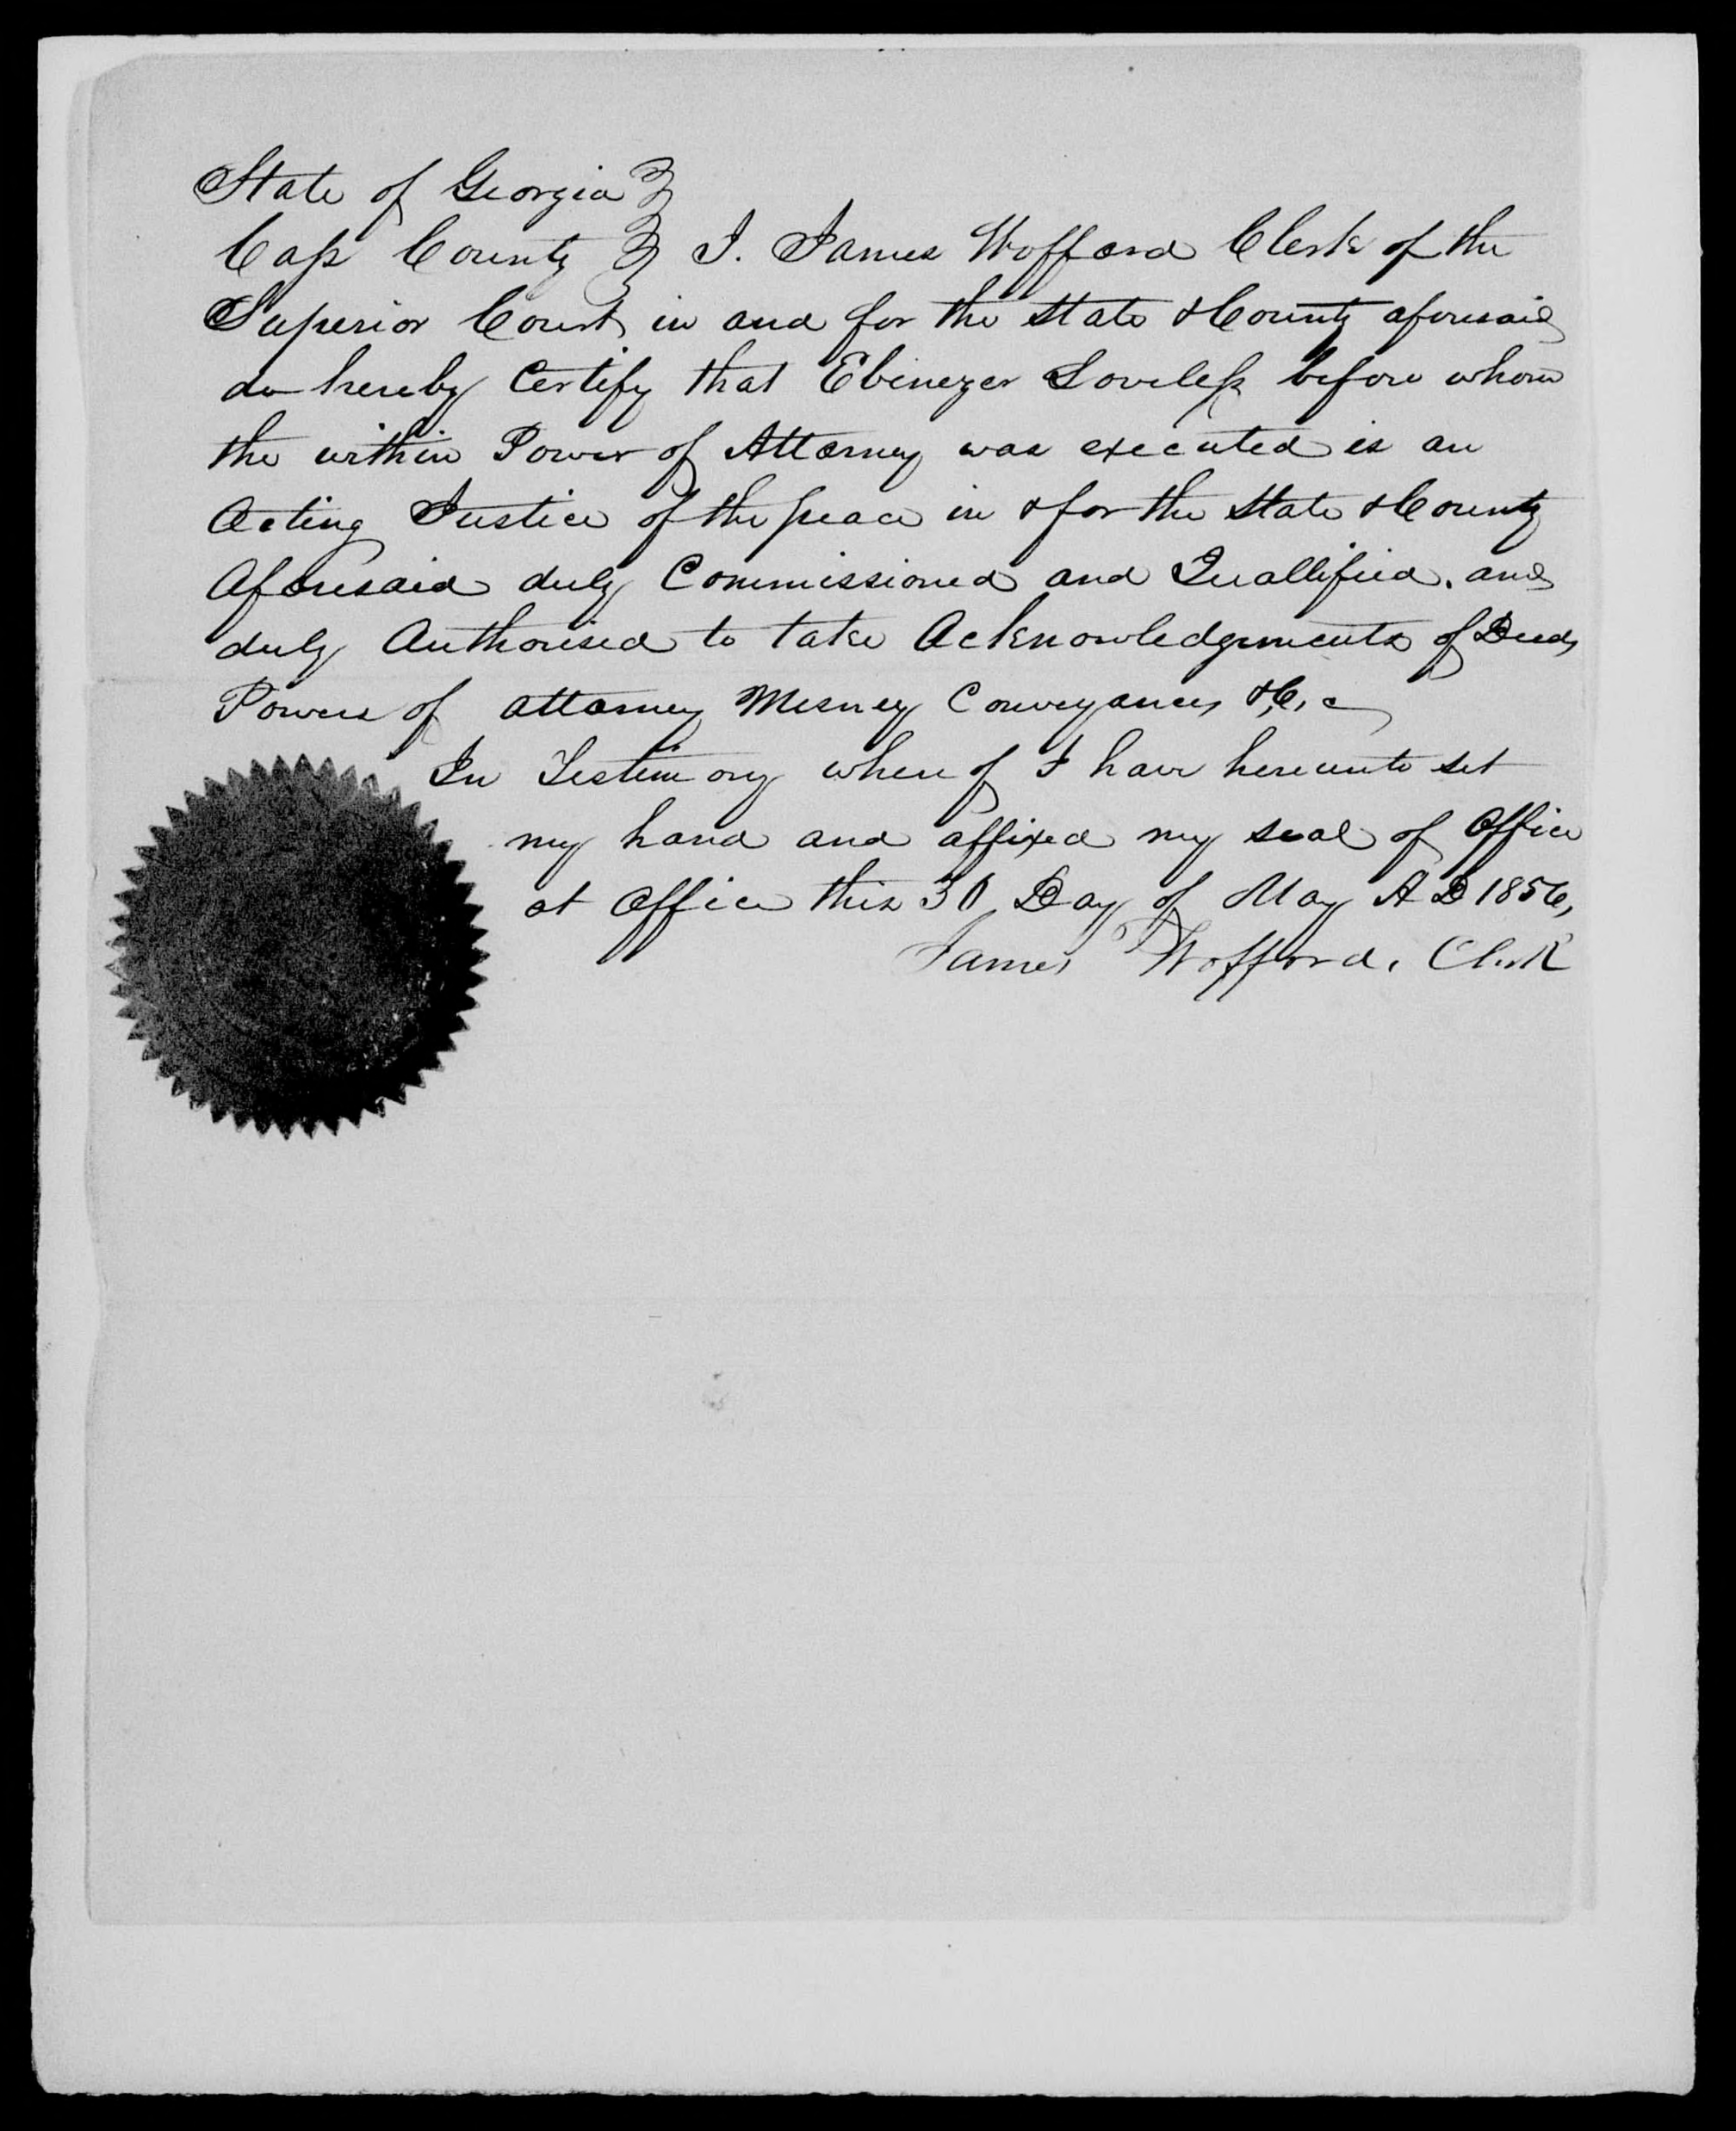State of Georgia Cap County
I, James Wofford Clerk of the Superior Court in and for the state & county aforesaid do hereby certify that Ebenezer Loveless before when the within Power of Attorney was executed is an acting Justice  of the Peace in afor the state & county aforesaid duly commissioned and quallified, and duly authorized to take acknowledgements of deed power of attorney Miseney Conveyances. In testimony whereof I have here unto set my hand and aaffixed my seal of office this 30 day of May 1856
James Wofford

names: James Wofford, Ebenezer Loveless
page: 44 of 108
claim: rejected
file: R. 7,515, John Hudgins, N.C.